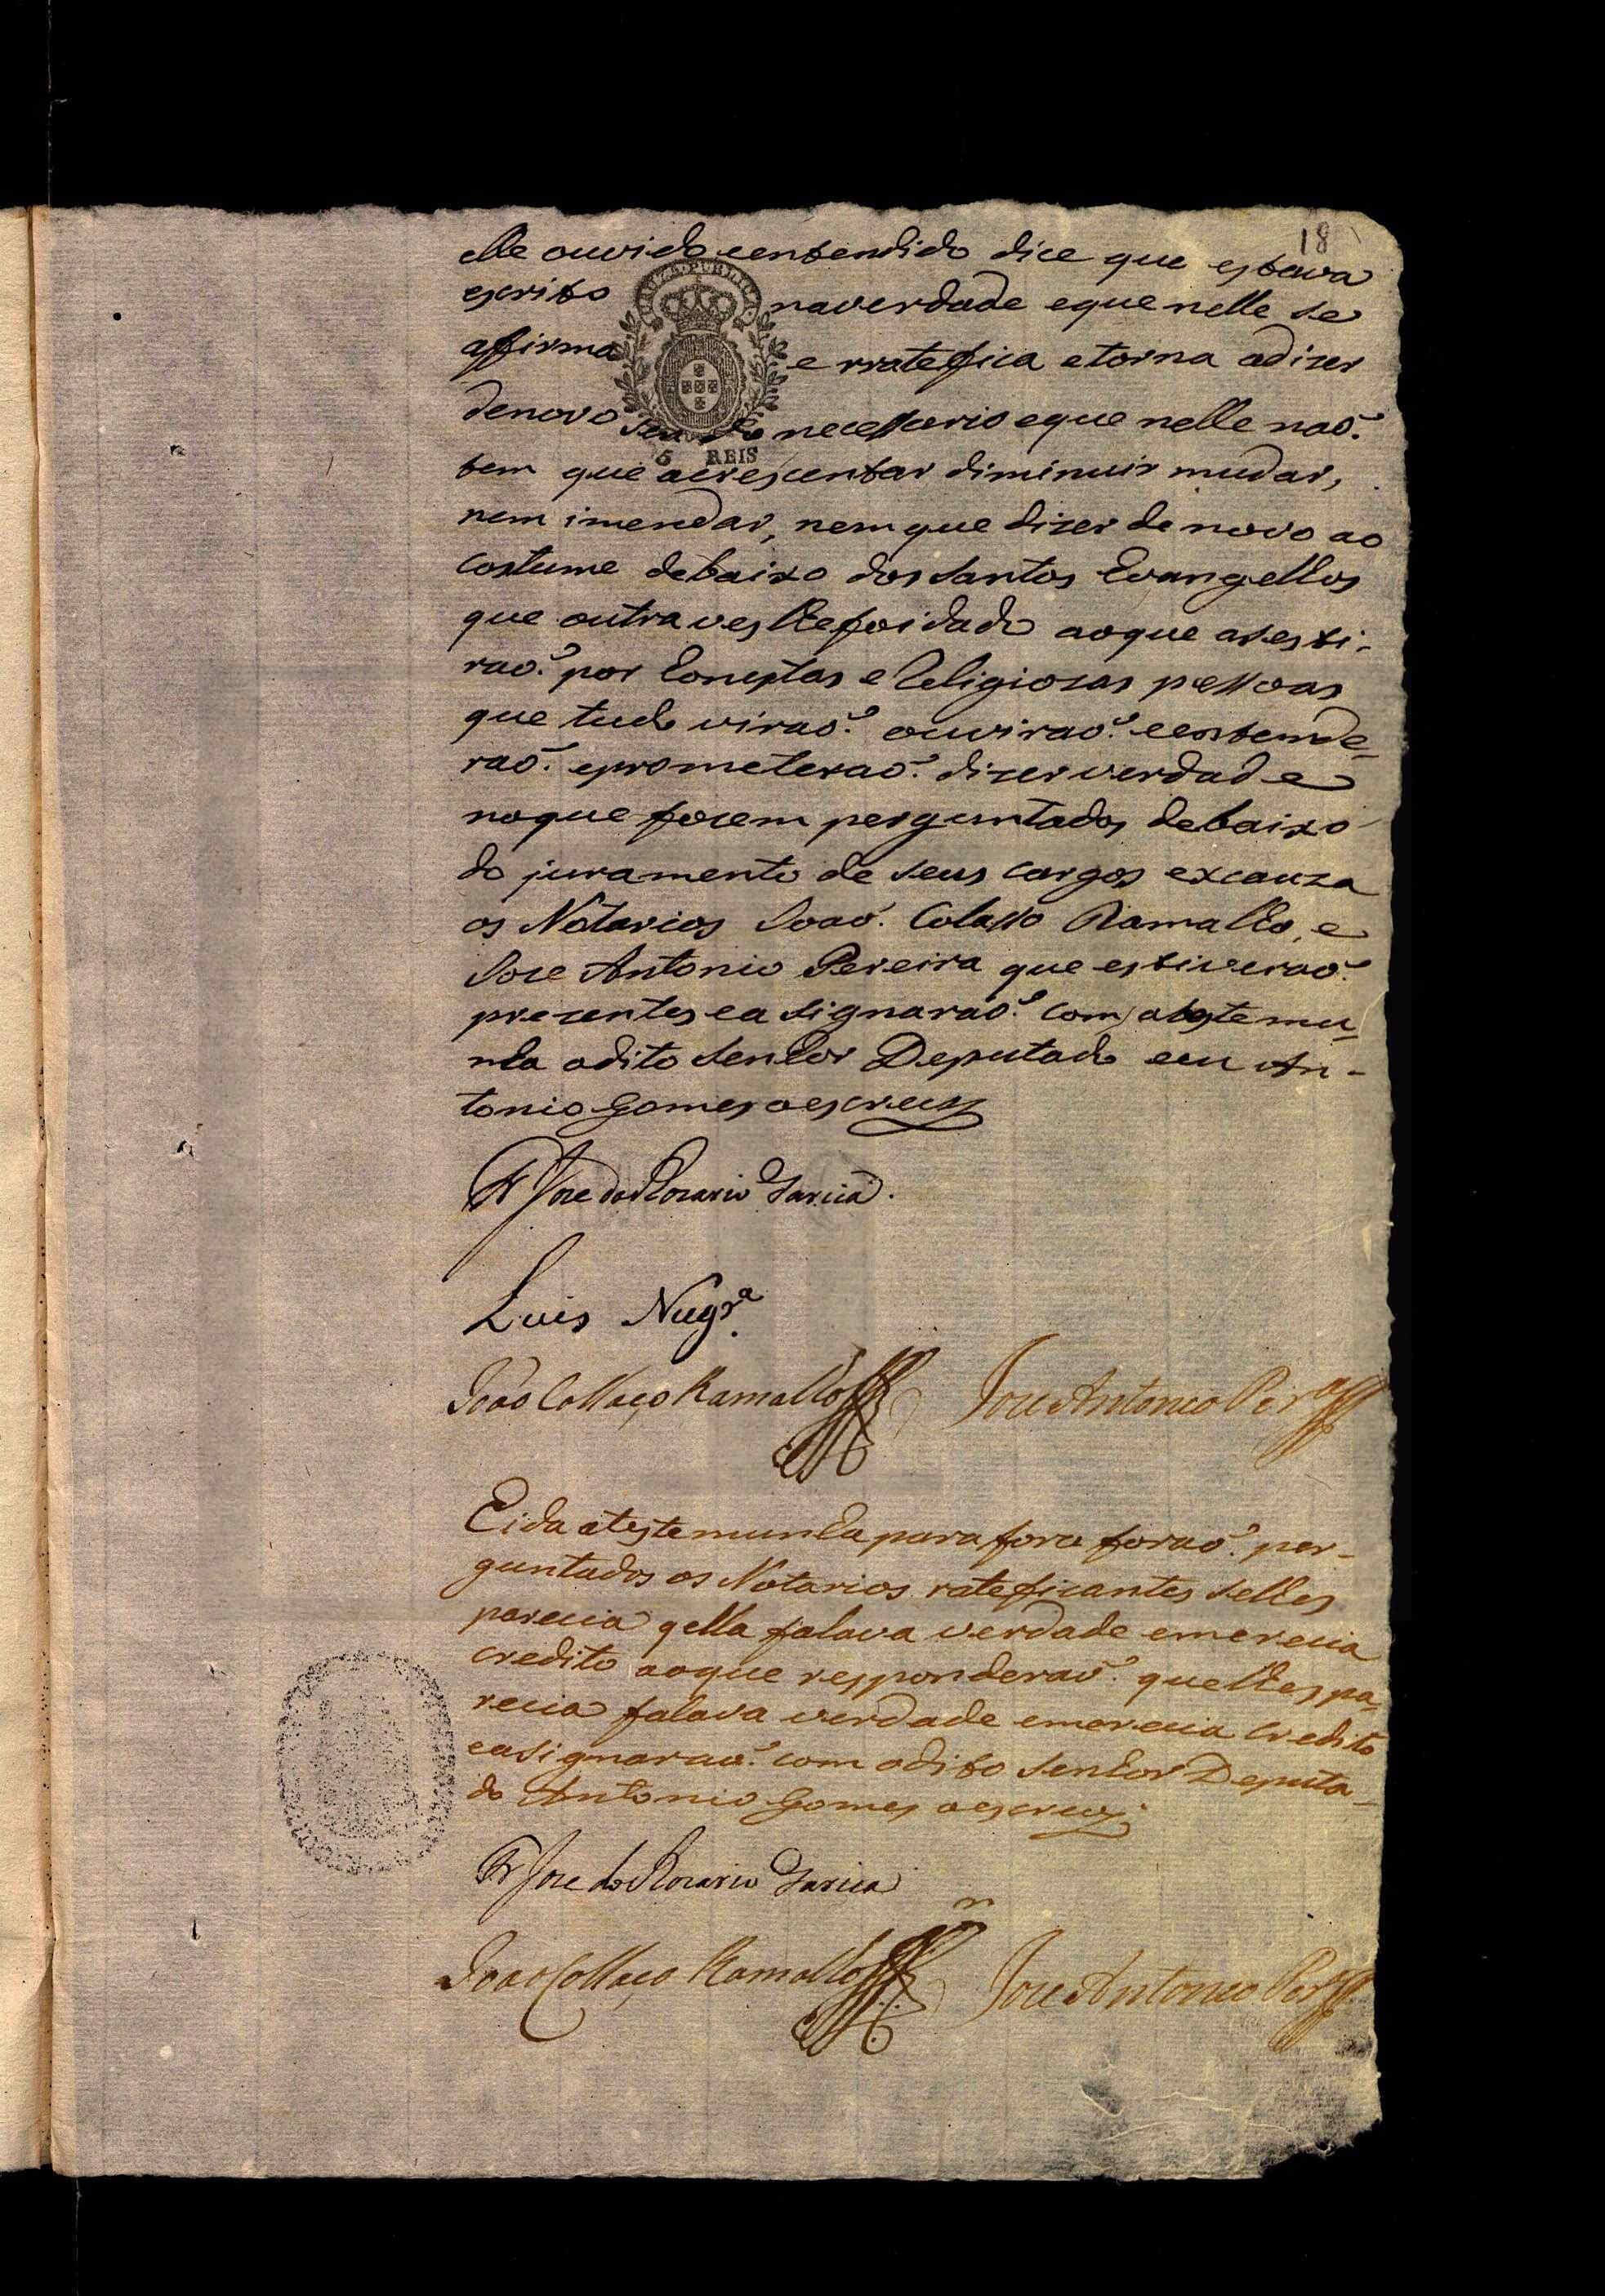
elle ouvido e entendido dice que estava
escrito na verdade e que nelle se
affirma e rratefica e torna a dizer
de novo sendo necessario e que nelle naõ
tem que acrescentar diminuir mudar,
nem imendar, nem que dizer de novo ao
costume debaixo dos Santos Evangelhos
que outra ves lhe foi dado ao que asesti
raõ por honestas e Religiozas pessoas
que tudo viraõ ouviraõ e entende
raõ e prometeraõ dizer verdade
no que focem perguntados debaixo
do juramento de seus cargos excauza
os Notarios Ioaõ Colasso Ramalho, e
Ioze Antonio Pereira que estiveraõ
prezentes e asignaraõ com a testemu
nha o dito Senhor Deputado e eu An
tonio Gomes o escreuy
Fr Joze do Rozario Garcia.
Luis Nugr.a
Ioaõ Collaço Ramalho Joze Antonio Per.a
E ida a testemunha para fora foraõ per
guntados os Notarios rateficantes se lhes
parecia q̄ ella falava verdade e merecia
credito ao que responderaõ que lhes pa
recia falava verdade e merecia credito
e asignaraõ com o dito senhor Deputa
do Antonio Gomes o escreuj
Fr Joze do Rozario Garcia
Joao Collaço Ramalho
Joze Antonio Per.a
